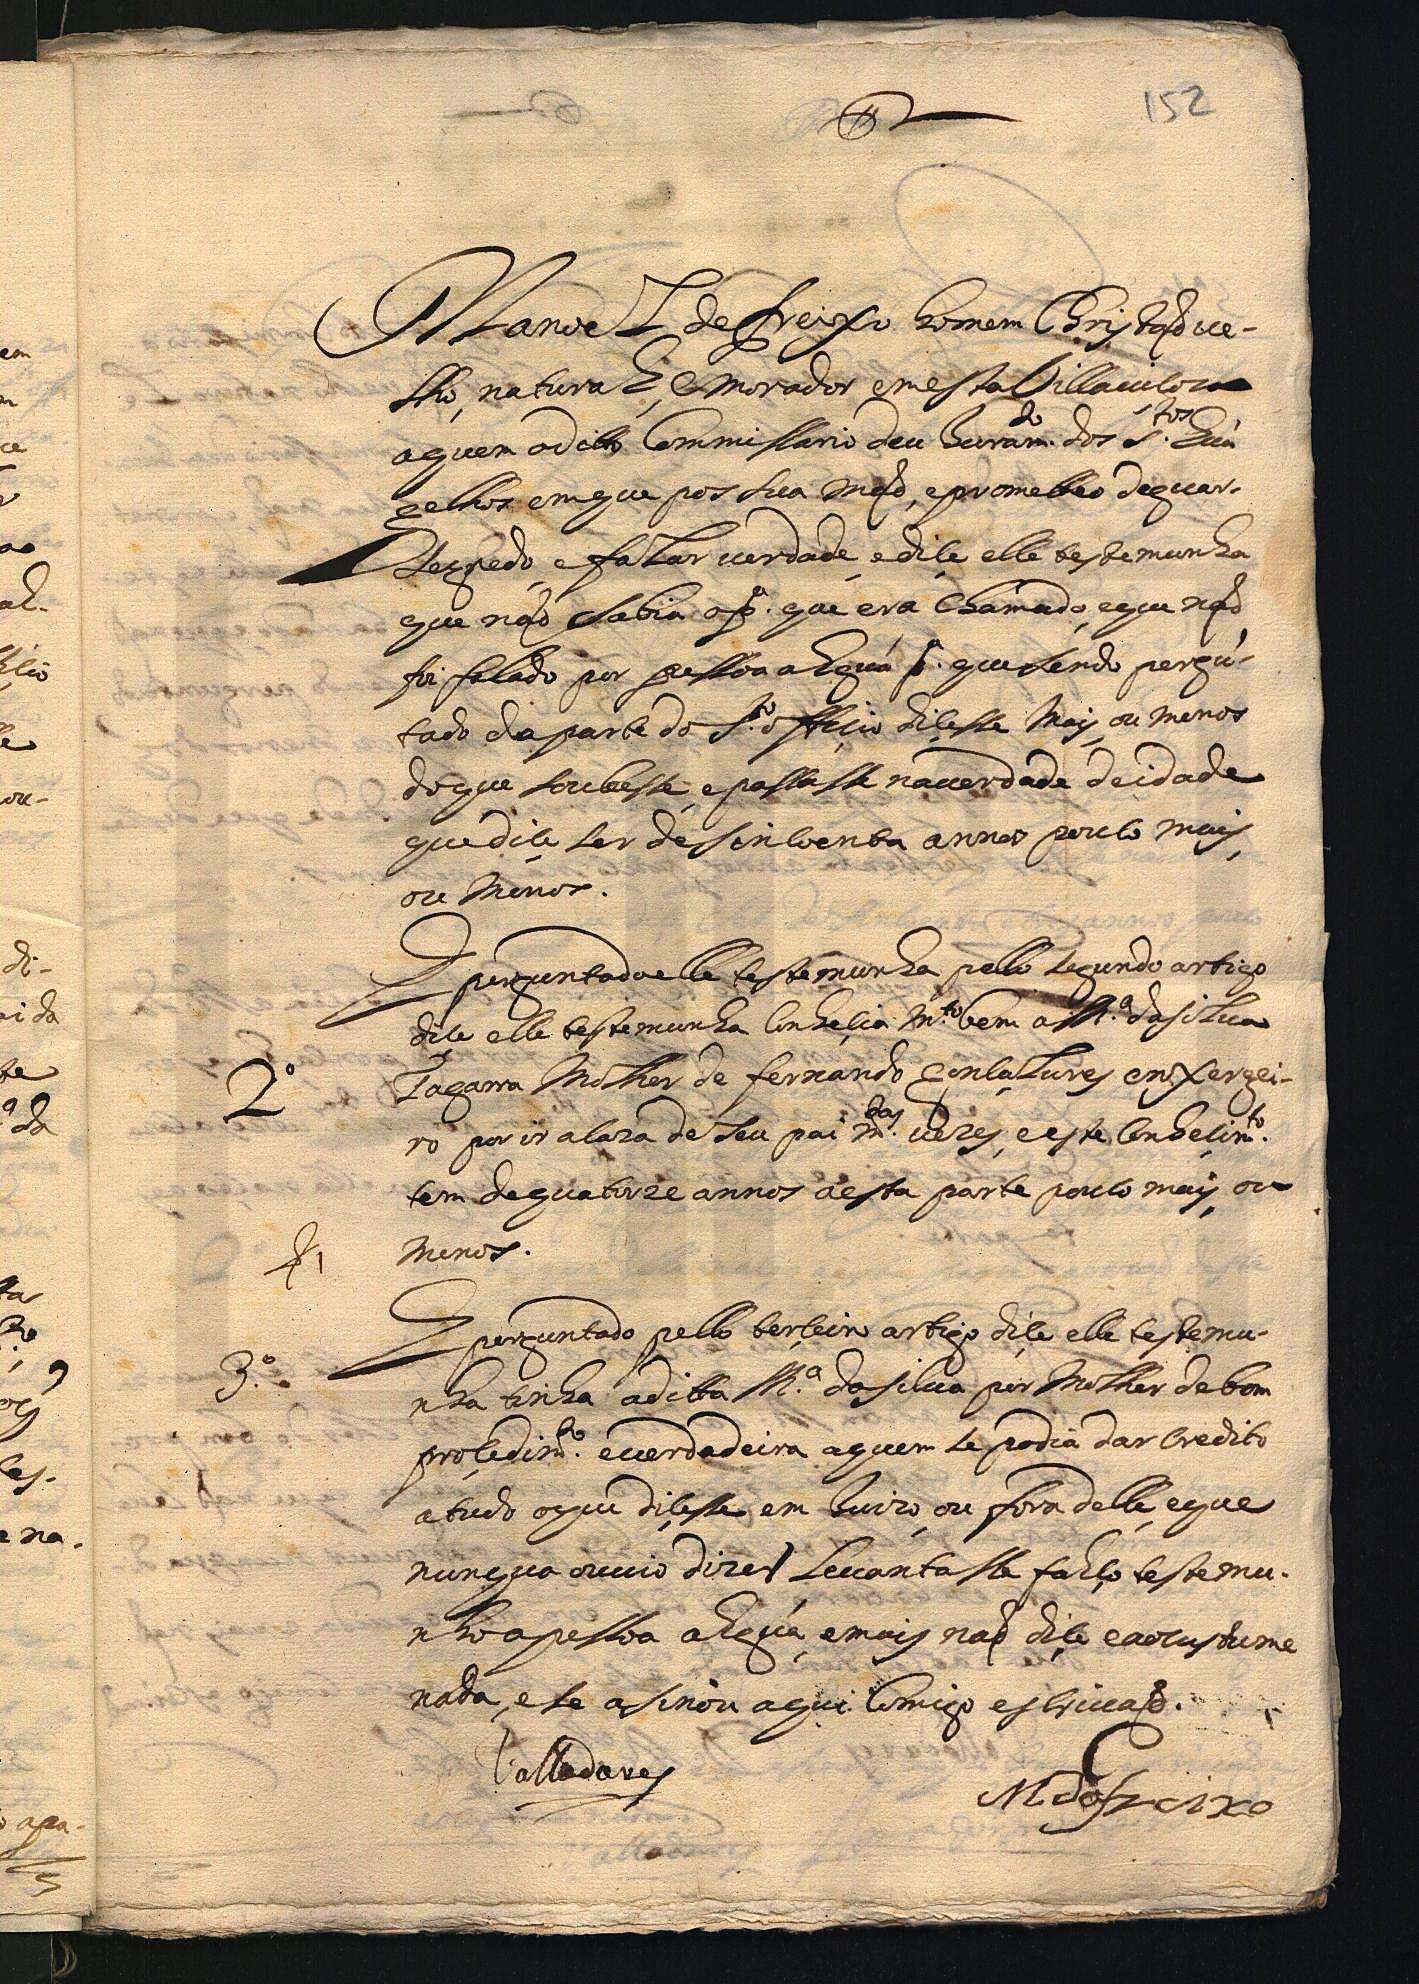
ManoeL de freixo homem Christaõ ue
lho, natural, e morador em esta Villa uiçoza
a quem o ditto Commissario deu Iuramto. dos S.tos Euā
gelhos em que pos sua maõ, e prometteo de guar
segredo, e falar uerdade, e diçe elle testemunha
que não sabia o pa. que era chamado, e que naõ
foi falado por pessoa alguā pa. que sendo pergū
tado da parte do sto. offiçio diçesse mais, ou menos
do que soubesse, e passasse na uerdade de idade
que diçe ser de Sincoenta annos pouco mais,
ou menos.
E perguntado elle testemunha pello segundo artigo
diçe elle testemunha Conheçia m.to bem a M.a da Silua
Tagarra Molher de fernando gonçalures enxergei
ro por ir a caza de seu pai mtas. uezes, e este conheçimto.
tem de quatorze annos a esta parte pouco mais, ou
menos.
E perguntado pello terçeiro artigo diçe elle testemu
nha tinha a ditta M.a da Silua por Molher de bom
proçedimto. e uerdadeira a quem se podia dar credito
a tudo o que diçesse em Iuizo, ou fora delle, e que
nunqua ouuio dizer Leuantasse falço testemu
nho a pessoa alguā, e mais naõ diçe e ao custume
nada, e se asinou aqui Comigo escriuaõ.
